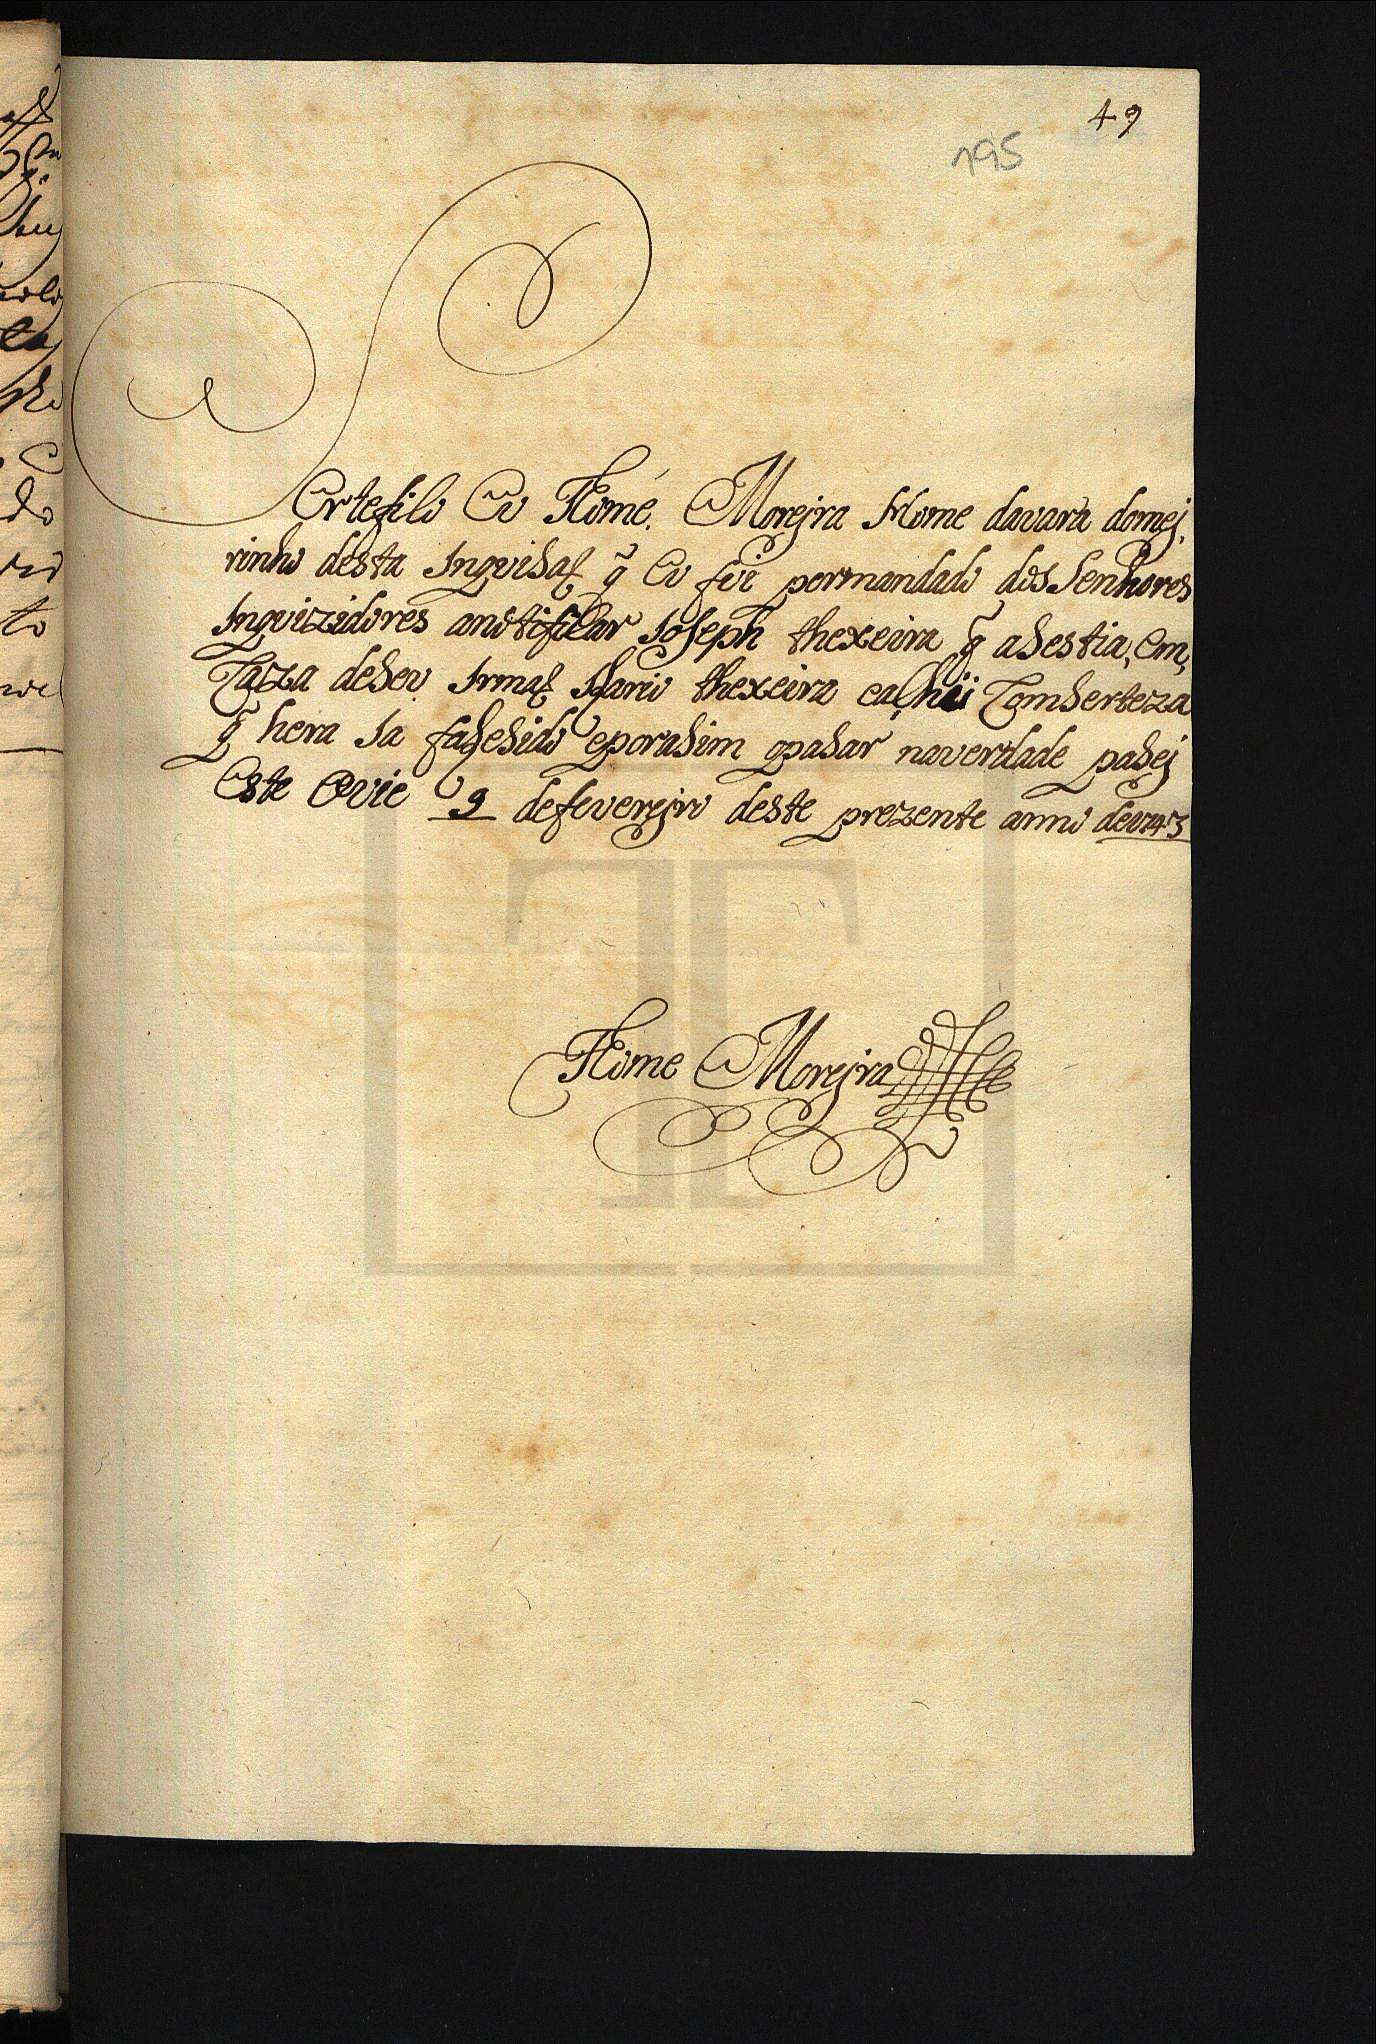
49
Sertefico Ev Thomé Moreira Home da vara do mej
rinho desta Inquisaꝭ, q̄ Ev fiz por mandado dos Senhores
Inquizidores a notificar Ioseph thexeira, q̄ aSestia, em,
Caza de Sev Irmaõ Ilario thexeira e aChei Com serteza
q̄ hera ja falesido e por asim pasar na verdade pasej
Este Ovie 9 de feverejro deste prezente anno de 1743
Thome Morejra
